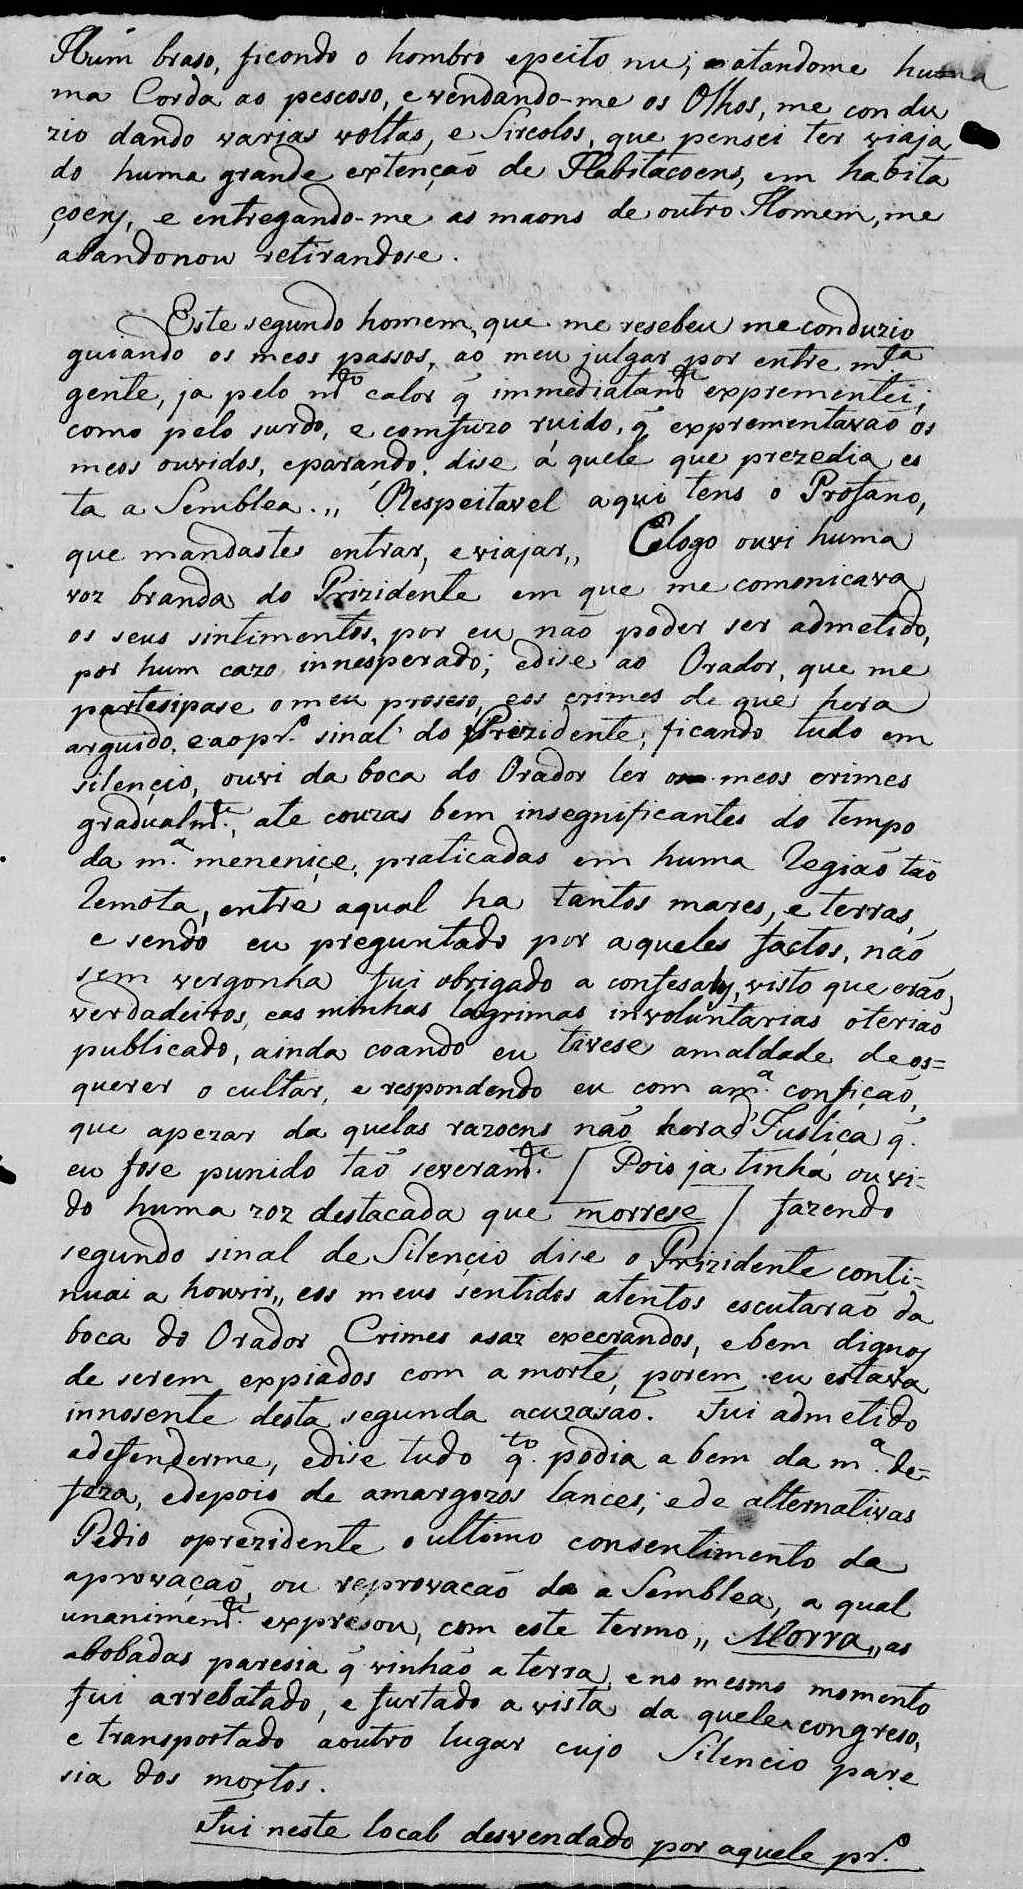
Hum braso, ficando o hombro e peito nus; atandome hu
ma corda ao pescoço, e vendando-me os Olhos, me condu
zio dando varias voltas, e sircolos, que pensei ter viaja
do huma grande extençaõ de Habitaçoens, em habita
çoens, e entregando-me as maons de outro Homem, me
abandonou retirando-se.
Este segundo homem, que me resebeu me conduzio
guiando os meos passos, ao meu julgar por entre m.ta
gente, ja pelo m̄to calor q̄ immediatam̄te exprementei;
como pelo surdo, e confuzo ruído, q̄̄̄. exprementavaõ os
meus ouvidos, eparando, dise àquele que prezedia es
ta aSemblea. "Respeitavel aqui tens o Profano,
que mandastes entrar, e viajar" E logo ouvi huma
voz branda do Prizidente em que me comonicava
os seus sintimentos, por eu naõ poder ser admetido,
por hum cazo innesperado; e dise ao Orador, que me
partesipase o meu proseso, e os crimes de que hera
arguido, e ao pr.o sinal do Prizidente, ficando tudo em
silençio, ouvi da boca do Orador ler os meos crimes
gradualm.te, ate couzas bem insegnificantes do tempo
da m.a meneniçe, praticadas em huma Regiaõ taõ
remota, entre a qual ha tantos mares, e terras,
e sendo eu preguntado por aqueles factos, naõ
sem vergonha fui obrigado a confesa-los, visto que eraõ,
verdadeiros, e as minhas lagrimas involuntarias o teriaõ
publicado, ainda coando eu tivese a maldade de os
querer ocultar, e respondendo eu com a m.a confiçaõ,
que apezar daquelas razoens naõ hera d'Justiça q̄
eu fose punido taõ severam.te. [Pois ja tinha ouvi
do huma voz destacada que morrese] fazendo
segundo sinal de Silençio dise o Prizidente conti
nuai a houvir,, e os meus sentidos atentos escutaraõ da
boca do Orador Crimes asaz execrandos, e bem dignos
de serem expiados com a morte, porem eu estava
innosente desta segunda acuzaçaõ. Fui admetido
a defenderme, e dise tudo q.to podia a bem da m.a de
feza, e depois de amargozos lances, e de alternativas
Pedio o prezidente o ultimo consentimento da
aprovaçaõ, ou reprovaçaõ da a Semblea, a qual
unanimem.te expresou, com este termo "Morra" as
abobadas paresia q̄ vinhaõ a terra, e no mesmo momento
fui arrebatado, e furtado a vista daquele congreso,
e transportado a outro lugar cujo Silencio pare
cia dos mortos.
Fui neste local desvendado por aquele pr.o
